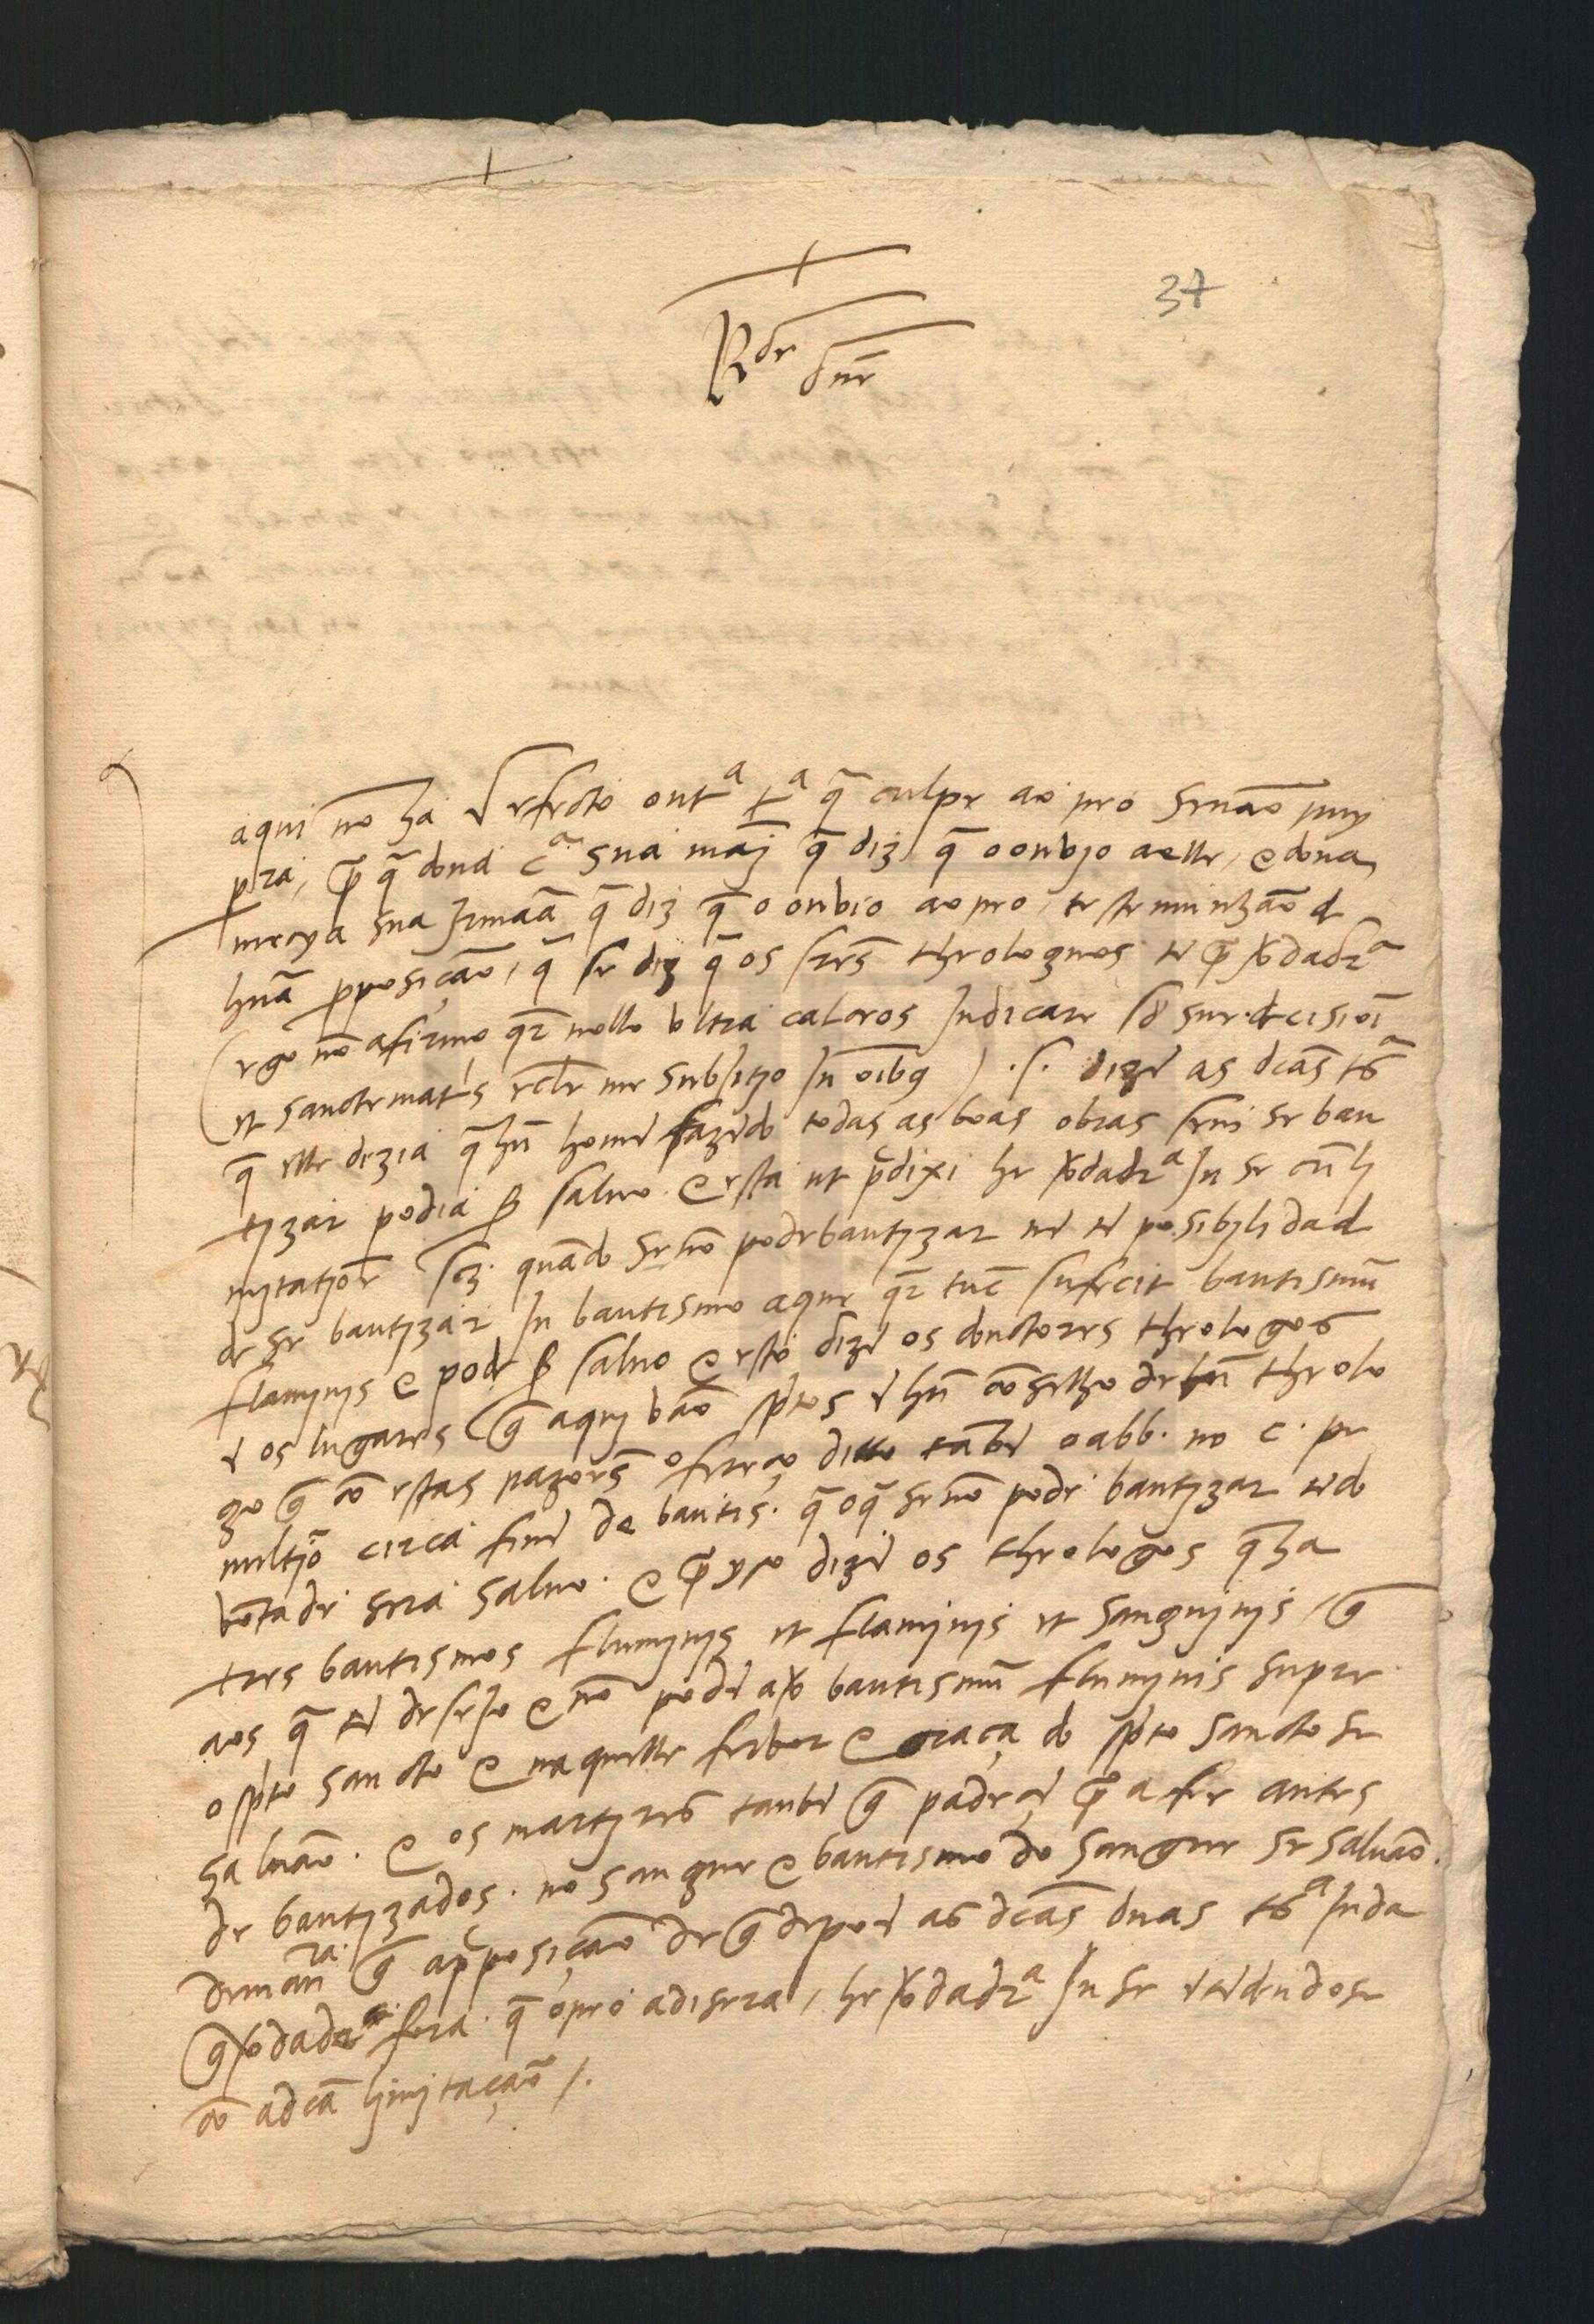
Ror snr̄
aqui n̄o ha ē efecto outa ta q̄ culpe ao reo Senão ruy
ꝑra p̄o q̄ dona ca sua mãj q̄ diz q̄ o ouvjo a elle / e dona
mecya Sua Jrmaā q̄ diz q̄ o ouvio ao reo / testemunhão de
huā ꝓposição / q̄ se diz q̄ os sres̄ theologuos tē p̄o ꝟdadra
(ergo n̄o afirmo q̄r nollo vltra caloros Judicare sd' sue. decisioī
et Sancte matis ēcle me subJetjo Jn ōibꝯ) .s. dizē as dcās tsa
q̄ elle dizia q̄ hū homē fazēdo todas as boas obras sem se bau
tjzar podia ꞩ saluo. e esta ut p̄dixi he ꝟdadra Jn se cū lj
mjtatjōe scz. quādo Se nō pode bautjzar nē tē posibjlidade
de se bautjzar Jn bautismo a que q̄r tuc̄ sufecit bautismū
Flamjnjs e pode ꞩ saluo. e esto dizē os douctores theologos
ē os lugares q̄ aquj vão spitos ē hū c̄oselho de hū theolo
go q̄ c̄o estas razões ofereço ditto tābē o abb. no c. pe
nultjō circa finē de bautis. q̄ o q̄ se n̄o pode bautjzar tēdo
vōtade sera saluo. e p̄o yso dizē os theologos q̄ ha
tres bautismos Flumjnjs et Flamjnjs et Sangujnjs / q̄
aos q̄ tē deseJo e n̄o podē aꝟ bautismū Flumjnis Supre
o spito Sancto e naquelle fervor e graça do spito Sancto se
Saluão. e os martjres tanbē q̄ padeçē p̄o a fee antes
de bautjzados. no Sangue e bautismo do Sangue se Saluão.
de manra q̄ a p̄posição de q̄ depoē as dcās duas tsa Jnda
q̄ ꝟdade_ fora. q̄ o reo a disera / he ꝟdadra Jn Se ētēdendose
c̄o a dcā ljmjtação /.
